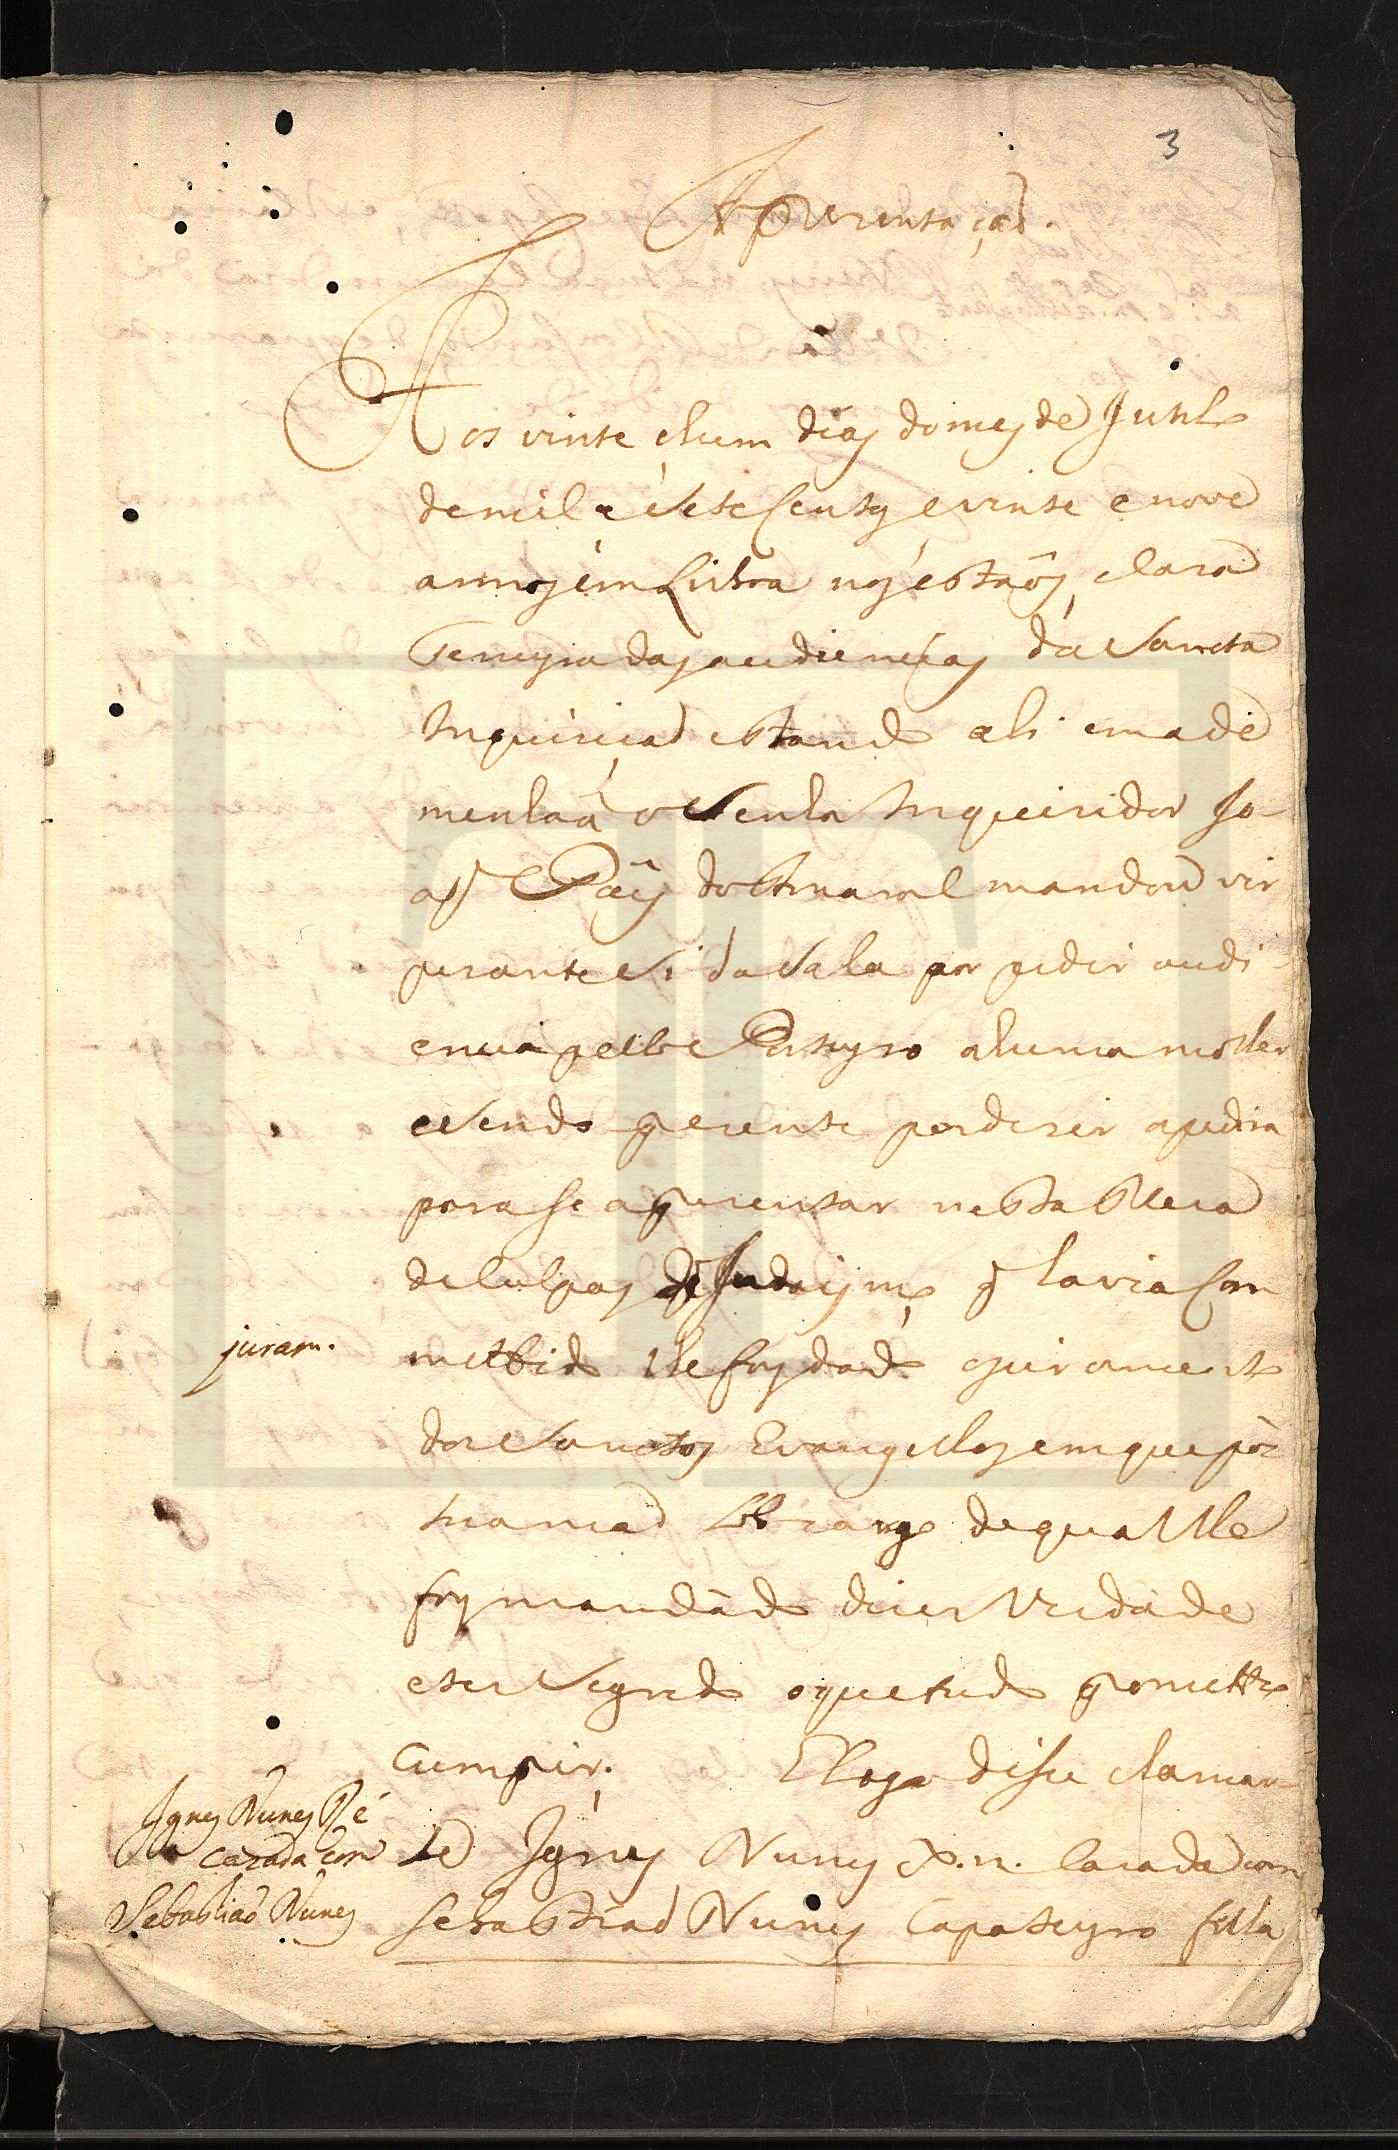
Aprezentaçaõ.
Aos vinte, e hum dias do mes de Junho
de mil e seteCentos e vinte e nove
annos em Lisboa nos estaós, e caza
Terceyra das audiencias da Sancta
Inquiziçaõ estando ali em a de
menhaã o Senhor Inquizidor Jo
aõ Paes do Amaral mandou vir
perante si da sala por pedir audi
encia pello Porteyro a huma molher
e sendo prezente por dizer a pedia
para se aprezentar nesta Meza
de Culpas de Judaismo, q̄ havia Com
mettido lhe foy dado o juramento
juram.
dos Sanctos Evangelhos em que poz
sua maõ sob cargo do qual lhe
foy mandado dizer verdade
e ter segredo o que tudo prometteo
cumpir. E logo disse chamar
Jgnes Nunes Ré
cazada con
Sebastiaõ Nunes
se Jgnes Nunes x. n. Cazada com
sebastiaõ Nunes Capateyro filha
